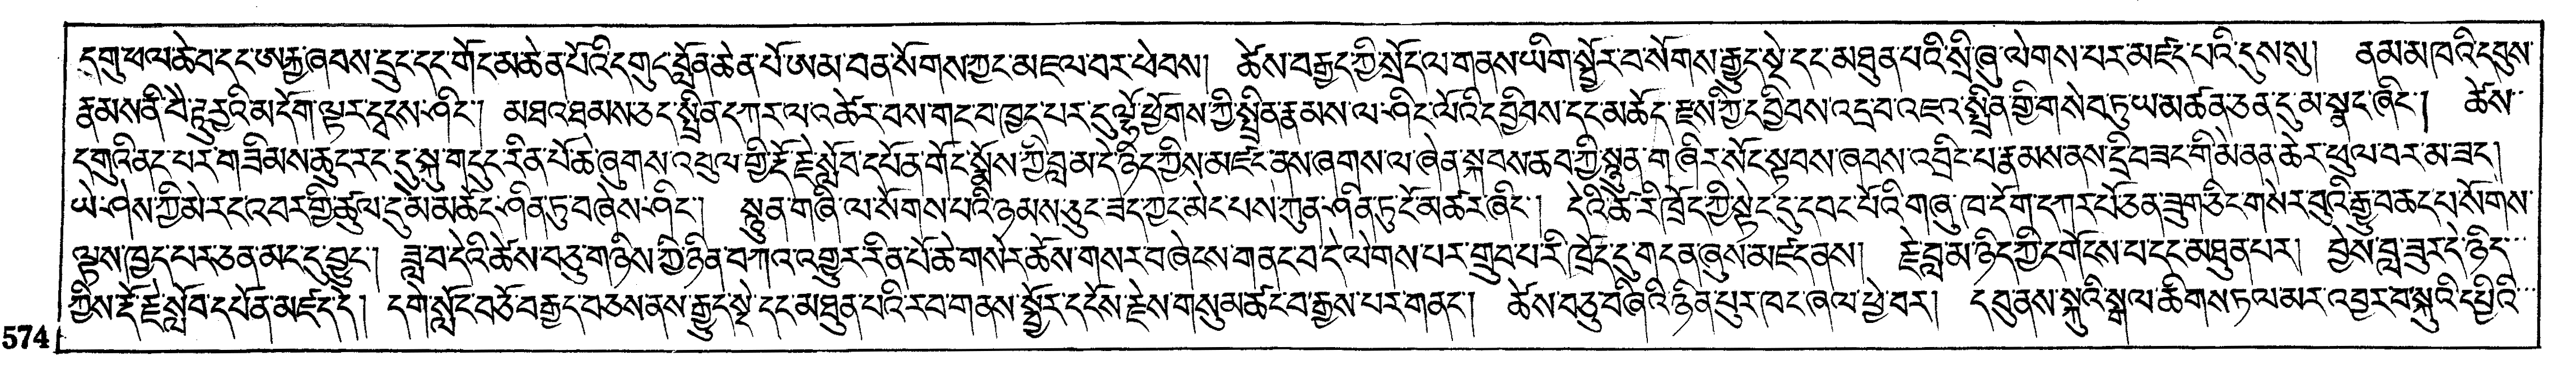དགུ་ཕལ་ཆེ་བ་དང་ཨརྐྱ་ཞབས་དྲུང་དང་གོང་མ་ཆེན་པོའི་དགུང་བློན་ཆེན་པོ་ཨམ་བན་སོགས་ཀྱང་མཇལ་བར་ཕེབས། ཚེས་བརྒྱད་ཀྱི་སྲོད་ལ་གནས་ཡིག་སྦྱོར་བ་སོགས་རྒྱུད་སྡེ་དང་མཐུན་པའི་སྲི་ཞུ་ལེགས་པར་མཛད་པའི་དུས་སུ། ནམ་མཁའི་དབུས་
རྣམས་ནི་བཻ་ཌཱུ་རྱའི་མདོག་ལྟར་དྭངས་ཤིང་། མཐའ་ཐམས་ཅད་སྤྲིན་དཀར་ལ་འཚེར་བས་གང་པ་ཁྱད་པ་དུ་ལྷོ་ཕྱོགས་ཀྱི་སྤྲིན་རྣམས་ལ་ཤིང་ལོའི་དབྱིབས་དང་མཆོད་རྫས་ཡི་དབྱིབས་འདྲ་བ་འཇའ་སྤྲིན་གྱི་གསེབ་ཏུ་ཡ་མཚན་ཅན་དུ་མ་སྣང་ཟིང་། ཚེས་
དགུའི་ནང་པར་གཟིམས་ཆུང་རང་དུ་སྐུ་གདུང་རིན་པོ་ཆེ་ཞུགས་འབུལ་གྱི་རྡོ་རྗེ་སློབ་དཔོན་གོང་སྨོས་ཡི་བླ་མ་དེ་ཉིད་ཀྱིས་མཛད་ནས་ཞུགས་ལ་ཞེན་སྐབས་ཆབ་ཀྱི་སྙན་གཞིར་སོང་སྟབས་ཞབས་འབྲིང་བ་རྣམས་ནས་དྲི་བཟང་གི་མེ་ནན་ཆེར་ཕུལ་བར་མ་ཟད།
ཡེ་ཤེས་ཀྱི་མེ་རང་འབར་གྱི་ཚུལ་དུ་མེ་མཆོད་ཤིན་ཏུ་བཞེས་ཤིང་། སྙུན་གཞི་ལ་སོགས་པའི་ཉམས་ཅུང་ཟད་ཀྱང་མེད་པས་ཀུན་ཤིག་ཏུ་ངོ་མཚར་ཞིང་། དེའི་ཚེ་རི་ཁྲོད་ཀྱིས་ཏེང་དུ་དབང་པོའི་གཞུ་ཁ་དོག་དཀར་པོ་ཅན་ཟུག་ཅིང་བསེར་བུའི་རྒྱུ་བ་ཆད་པ་སོགས་
ལྟས་ཁྱད་པར་ཅན་མང་དུ་བྱུང་། ཟླ་བ་དེའི་ཚེས་བཅུ་གཉིས་ཀྱི་ཉིན་བཀའ་འགྱུར་རིན་པོ་ཆེ་གསེར་ཆོས་གསར་བཞེངས་གནང་བདེ་ལེགས་པར་གྲུབ་པ་རི་ཁྲོད་དུ་གདན་ཞུས་མཛད་ནས། རྗེ་བླ་མ་ཉིད་ཀྱི་དགོངས་པ་དང་མཐུན་པར། བྱས་བླ་ཟུར་དེ་ཉིད་
ཀྱིས་རྡོ་རྗེ་སློབ་དཔོན་མཛད་དེ། དགེ་སློང་བཅོ་བརྒྱད་བཅས་ནས་རྒྱུད་སྡེ་དང་མཐུན་ཨཱི་རབ་གནས་སྦྱོར་དངོས་རྗེས་གསུམ་ཚང་བ་རྒྱས་པར་གནང་། ཚེས་བཅུ་བཞིའི་ཉིན་པར་ཁང་ཞལ་ཕྱེ་བར། དབུ་ནས་སྐུའི་སྒལ་ཚིགས་ཏལ་མར་འབྱོར་བ་སྐུའི་དཔྱིའི་